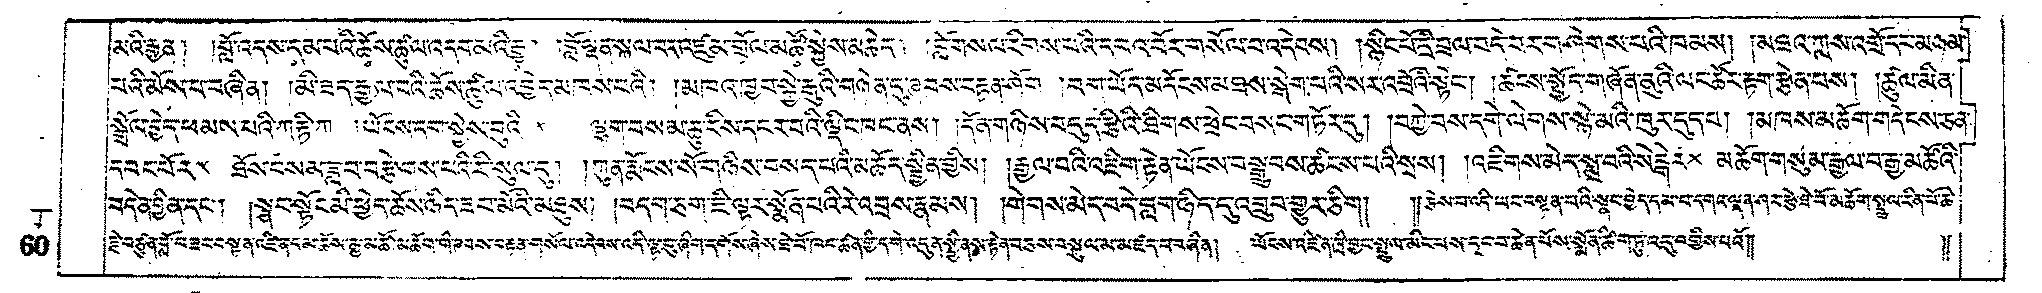མའི་རྒྱན། །བློ་འདས་དམ྾་པའི་ཆོས྾་ཚུལ་འདབ་མའི་རྒྱ྾། །བློ་ལྡན་སྐལ་བར་འཛུམ་གྲོལ་མཚོ྾་སྐྱེས་མཆེད། །བློ་གསལ་རིགས་པའི་དཔའ་བོར་གསོལ་བ་འདེབས། །སྙིང་པོ་དྲི་བྲལ་བདེ་བར་གཤེགས་པའི་ཁམས། །མཐའ་ཀླས་འགྲོ་དང་མཉམ་
པའི་མོས་པ་བཞིན། །མི་ཟད་རྒྱལ་བའི་ཆོས་ཚུལ་འབྱེད་མཁས་པའི། །མཁའ་ཁྱབ་སྐྱེ་རྒུའི་གཉེན་དུ་ཞབས་བརྟན་ཤོག །བག་ཡོད་མདོངས་མཐས་སྒེགས་པའི་སར་འགྲོའི་སྟེང་། །ཚངས་སྤྱོད་གཞོན་ནུའི་ལང་ཚོར་རྟག་རྩེན་པས། །ཚུལ་མིན་
སྒྲོལ་བྱེད་ཕམས་པའི་ཀརྟི་ཀ །ཡོངས་དག་སྐྱེས་བུའི་྾་ལྷག་བསམ་ཆུ་རིས་དང་ར་བའི་ལྡིང་ཁང་ནས། །དོན་གཉིས་བདུད་རྩིའི་ཐིགས་ཕྲེང་བསང་གཏོར་དུ། །བཀྱེ་བས་དགེ་ལེགས་སྙེ་མའི་ཁུར་དུད་པ། །མཁས་མཆོག་གདེངས་ཅན་
དབང་པོར་྾་ཐོས་བསམ་ཟླ་བ་བརྩེགས་པའི་རི་སུལ་དུ། །ཀུན་རྨོངས་སོ་གཉིས་བསད་པའི་མཆོད་སྦྱིན་གྱིས། །རྒྱལ་བའི་འཇིག་རྟེན་ཡོངས་བསྒྲུབས་ཚངས་པའི་སྲས། །འཇིགས་མེད་སྨྲ་བའི་སེངྒེར་྾་མཆོག་གསུམ་རྒྱལ་བ་རྒྱ་མཚོའི་
བདེན་བྱིན་དང་། །སྣང་སྟོང་མི་ཕྱེད་ཆོས་ཉིད་ཟབ་མོའི་མཐུས། །བདག་ཅག་ཇི་ལྟར་སྨོན་པའི་རེ་འབྲས་རྣམས། །གེགས་མེད་བདེ་བླག་ཉིད་དུ་འྲུབ་གྱུར་ཅིག། །།ཅེས་པ་འདི་ཡང་བསྟན་པའི་སྣང་བྱེད་དམ་པ་དགའ་ལྡན་ཤར་རྩེ་ཐེ་བོ་མཆོག་སྤྲུལ་རིན་པོ་ཆེ་
རྗེ་བཙུན་བློ་བཟང་བསྟན་འཛིན་དམ་ཆོས་རྒྱ་མཚོ་མཆོག་གི་ཞབས་བརྟན་གསོལ་འདེབས་འདི་ལྟ་བུ་ཞིག་དགོས་ཞེས་ཐེ་བོ་ཁང་ཚན་གྱི་དགེ་འདུན་སྤྱི་ནས་རྟེན་བཅས་བསྐུལ་མ་མཛད་པ་བཞིན། ཡོངས་འཛིན་ཁྲི་བྱང་སྤྲུལ་མིང་པས་དྭང་བ་ཆེན་པོས་སྨོན་ཚིག་ཏུ་འདུ་བགྱིས་པའོ།།